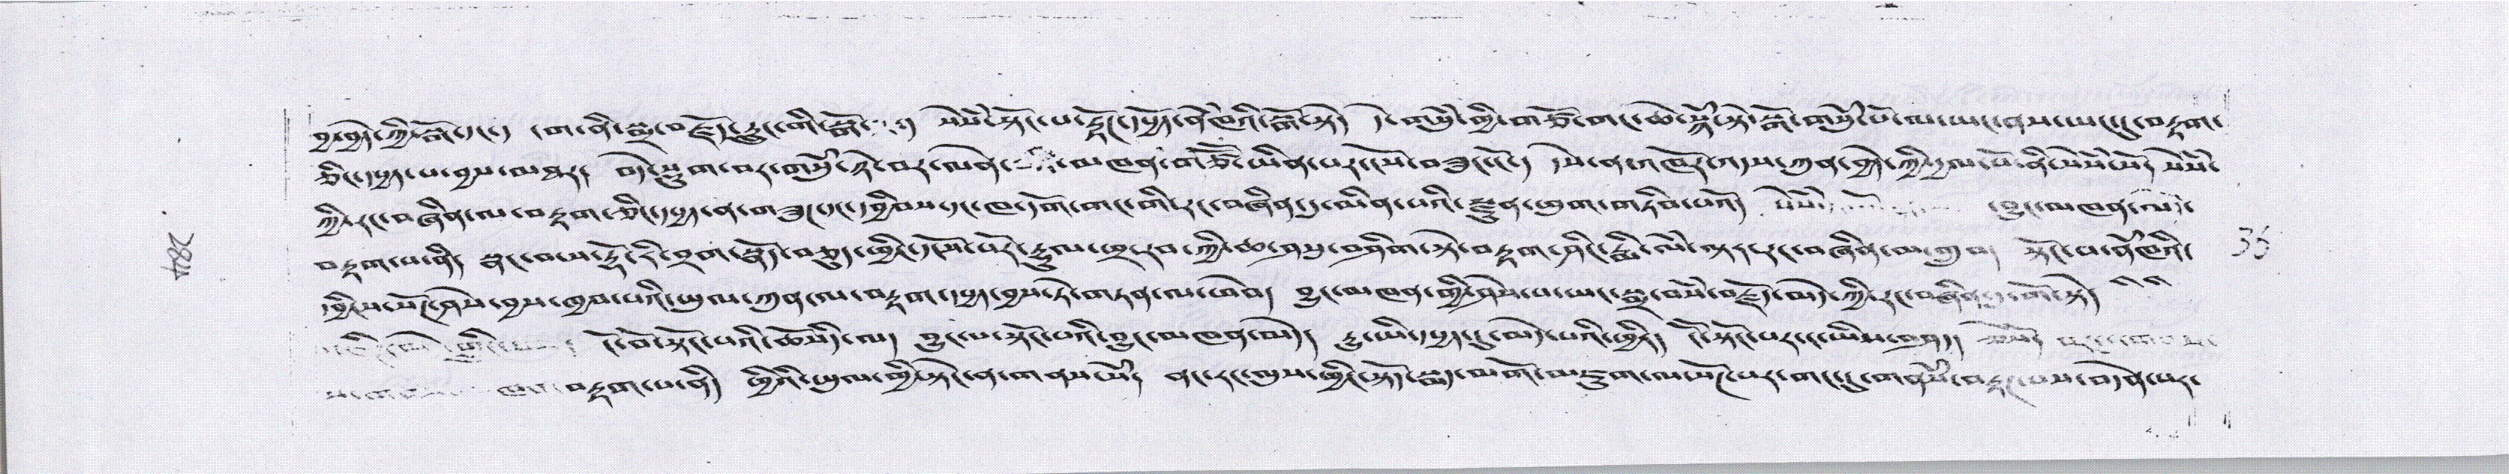བྱ་བྱེད་ཀྱི་སྒོ་དང། ངག་ནི་སྨྲ་བརྗོད་རླུང་གི་སྒོ་དང། སེམས་སྟོང་པ་རྟོགས་དཔྱོད་ནམ་མཁའི་སྒོ་སྟེ། དེ་གསུམ་གྱི་གཙོ་གང་ཆེ་སྙམ་སྟེ་སྒོ་གསུམ་པོ་ལ་ཡང་ནས་ཡང་དུ་བརྟག་
ཅིང་དཔྱད་པ་བྱས་མཐར། བདེ་སྡུག་བར་གསུམ་ཉེ་བར་ལེན་མཁན་གཙོ་བོ་ཡིན་པར་ངོས་བཟུང་ངོ། དེས་ན་འཁོར་འདས་ཀུན་བྱེད་ཀྱི་རྒྱལ་པོ་ནི་སེམས་སོ། སེམས་
ཀྱི་རང་བཞིན་ལ་བརྟག་ཅིང་དཔྱད་ན་གཟུགས་དང་དབྱིབས་དང་ཁ་དོག་གང་གི་རང་བཞིན་དུ་མིན་པའི་རྫུན་ཕུག་གཏིབ་པའོ། སེམས་དང་པོ་་་་་་་་་བྱུང་མཁན་མེད་
བརྟག་པ་ནི། སྣང་བ་ས་རྡོ་རི་བྲག་སྣོད་བཅུད་ཕྱི་ནང་དངོས་པོར་རྡུལ་ཕྲ་རབ་ཀྱི་ཆ་ཤས་སུ་བཤིག་སྟེ་བརྟག་ཤིང་རྨི་ལམ་ལྟར་རང་བཞིན་མ་གྲུབ། སྟོང་པ་ནམ་མཁའི་
དབྱིངས་སོགས་ཤེས་བྱས་ཁྱབ་པའི་ཡུལ་ཀུན་ལ་བརྟག་དཔྱད་བྱས་ཏེ་གཏན་ལ་ཕེབ། བྱུང་མཁན་གྱི་ཤེས་པ་ཡང་སྨྲ་བསམ་བརྗོད་མེད་ཀྱི་རང་བཞིན་དུ་གོ་སྟེ།
 ༼་་་་་་་་་་་་་་་་་་་་་་༽ ངོ་བོ་སྟོང་པའི་ཆོས་ཉིད་ལ། བྱུང་བ་སྟོང་པའི་བྱུང་མཁན་མེད། རྒྱུ་ཡི་དཔྱད་དུ་མེད་པའི་ཕྱིར། ངོ་བོ་སྟོང་པར་ང་ཡིས་བཤད། ཅེས་སོ། བར་དུ་དགེ་བས་
ས་་་་་་་་་ཁབ་བརྟག་པ་ནི། ཕྱིའི་ཡུལ་གྱི་སྟེང་ན་གནས་སམ། ནང་རང་ལུས་ཕྱི་ནང་སྟོད་སྨད་མགོ་མཇུག་ལ་སོགས་པར་གང་དུ་གནས་སམ་བརྟགས་པས་བདེན་པར་